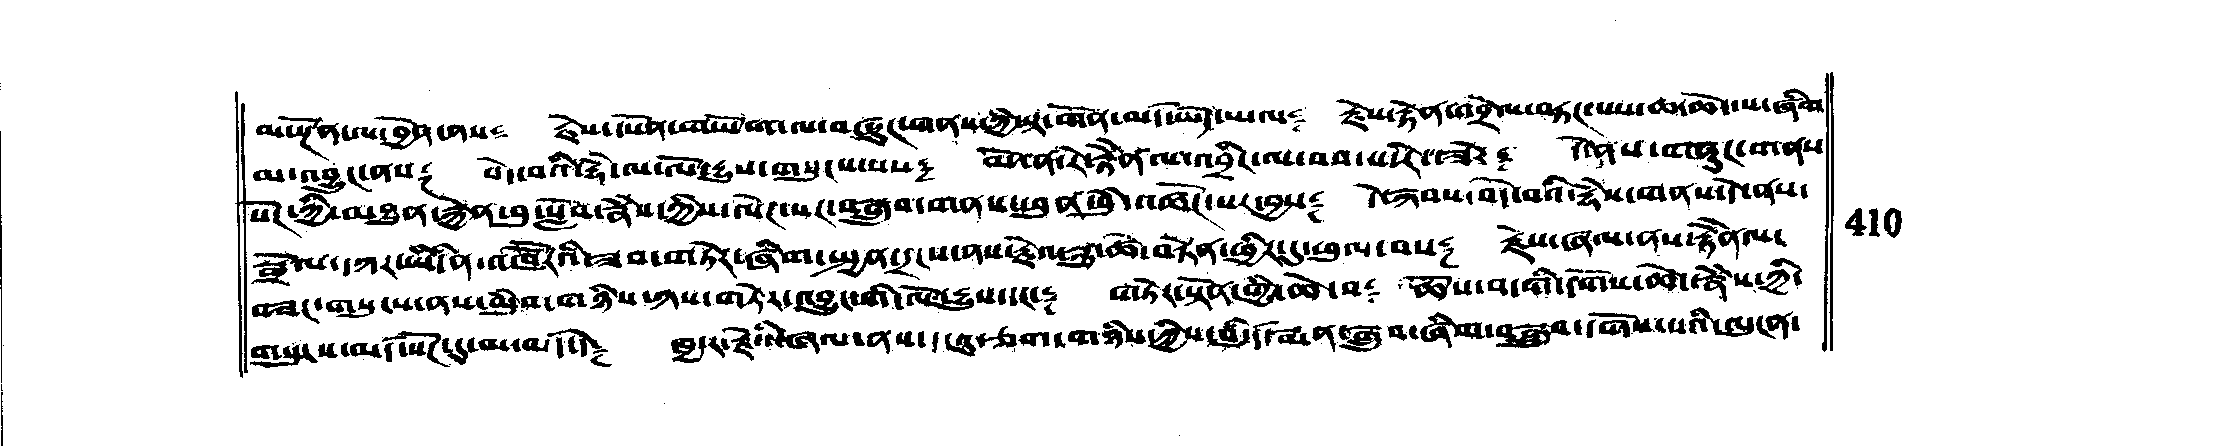མ་སྔོན་ལ་བྱོན་ནས། རྗེས་དཔོན་གཡོག་ལ་བཞུགས་གནས་ཀྱི་སྟ་གོན་མཛད་ཡོད་པ་ལ། རྗེས་རྟེན་འབྲེལ་བརྟགས་པས་ཆ་ཆོད་པ་ཞིག་
མ་བྱུང་ནས། བདེ་བའི་རྡོ་རྗེ་ལ་ལོ་རྒྱུས་གསུངས་པས། མོ་ན་རེ་རྟེན་འབྲེལ་འབྲིང་ལ་བབ་པ་རེད་ཟེར། དེ་ནས་གཞུགས་གནས་
སོགས་ཀྱི་མཐུན་རྐྱེན་བུ་སློབ་རྣམས་ཀྱིས་ལེགས་པར་བསྒྲུབ་གནས་ཕུན་སུམ་ཚོགས་པར་བྱས། དེ་སྐབས་བདེ་བའི་རྡོ་རྗེས་གནས་དེ་ནས་
སྒྲོལ་དཀར་ཡིད་བཞིན་འཁོར་ལོའི་ཟབ་གཏེར་ཞིག་སྤྱན་དྲངས་ནས་རྗེའི་སྐུ་ཚེ་བརྟན་ཕྱིར་དུ་ཕུལ་བས། རྗེའི་ཞལ་ནས་རྟེན་འབྲེལ་
བཟང་གསུངས་ནས་ཡབ་ཡུམ་གཉིས་ཀས་གཏེར་འབྱུང་གི་ལོ་རྒྱུས་དང་། གཏེར་སྟོན་གྱི་ཆེ་བ། ཆོས་བདག་གི་དགོས་ཆེད་རྣམས་ཀྱི་
གསུང་མཛད་སོགས་དུ་མ་མཛད་དོ། ཁྱད་པར་རྗེའི་ཞལ་ནས་ད་འུ་ཅག་གཉིས་ཀྱིས་བདུད་རྩི་སྨན་སྒྲུབ་ཞིག་བསྒྲུབ་དགོས་པའི་ལུང་བསྟན་